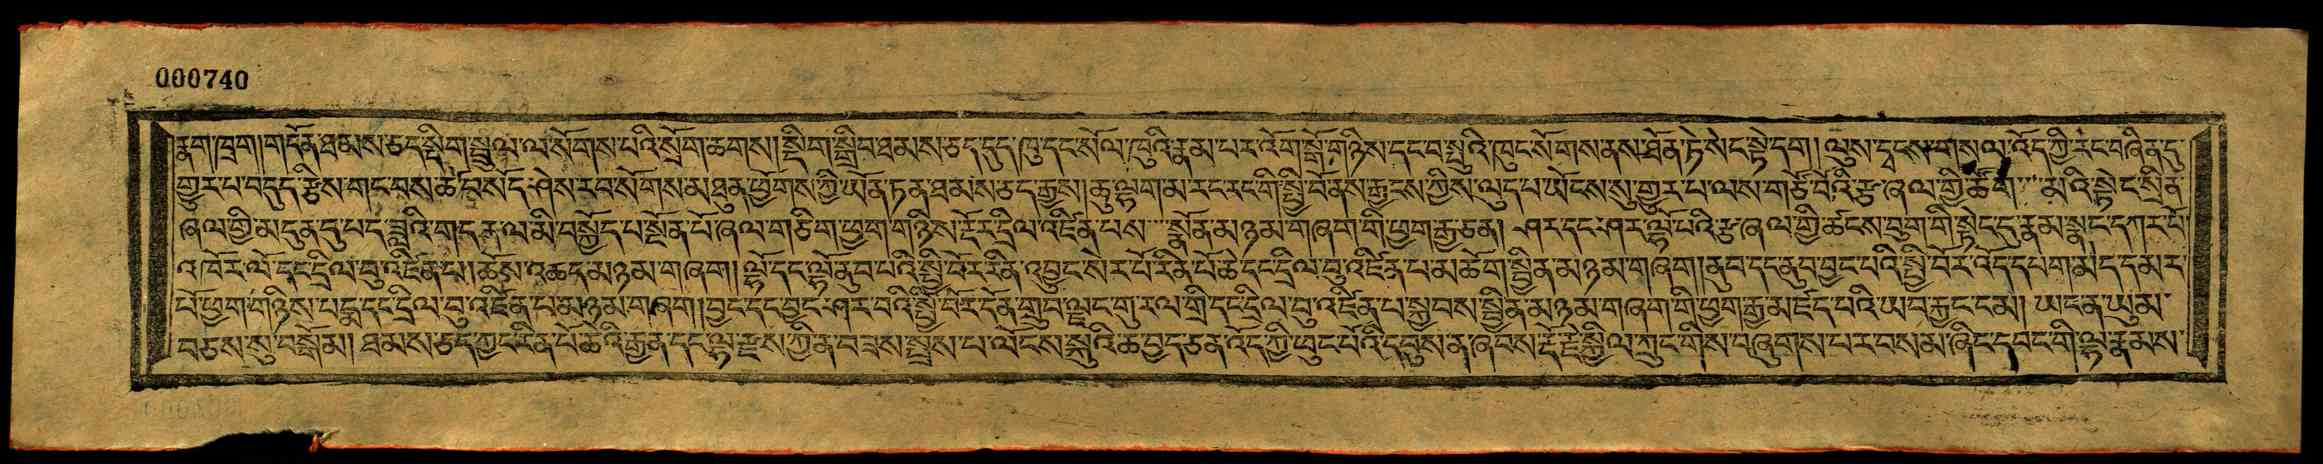རྣག་ཁྲག །གདོན་ཐམས་ཅད་སྡིག་སྦྲུལ་ལ་སོགས་པའི་སྲོག་ཆགས། སྡིག་སྒྲིབ་ཐམས་ཅད་དུད་ཁུ་དང་སོལ་ཁུའི་རྣམ་པར་འོག་སྒོ་གཉིས་དང་བ་སྦུའི་ཁུང་སོགས་ནས་ཐོན་ཏེ་སེང་སྟེ་དག །ལུས་དྭངས་གསལ་འོད་ཀྱི་རང་བཞིན་དུ་
གྱུར་པ་བདུད་རྩིས་གང་བས་ཚེ་བསོད་ཤེས་རབ་སོགས་མཐུན་ཕྱོགས་ཀྱི་ཡོན་ཏན་ཐམས་ཅད་རྒྱས། ཆུ་ལྷག་མ་རང་རང་གི་སྤྱི་བོ་ནས་རྒྱངས་ཀྱིས་ལུང་པ་ཡོངས་སུ་གྱུར་པ་ལས་གཙོ་བོའི་རྩ་ཞལ་གྱི་ཚོག་མའི་སྟེང་སྲིན་
ཞལ་གྱི་མདུན་དུ་པད་ཟླའི་གདན་ལ་མི་བསྐྱོད་པ་སྔོན་པོ་ཞལ་གཅིག་ཕྱག་གཉིས་རྡོར་དྲིལ་འཛིན་པ་ས་གནོན་མཉམ་གཞག་གི་ཕྱག་རྒྱ་ཅན། ཤར་དང་ཤར་ལྷོ་པའི་རྩ་ཞལ་གྱི་ཚངས་བུག་གི་སྟེང་དུ་རྣམ་སྣང་དཀར་པོ་
འཁོར་ལོ་དང་དྲིལ་བུ་འཛིན་པ། ཆོས་འཆད་མཉམ་གཞག །ལྷོ་དང་ལྷོ་ནུབ་པའི་སྤྱི་བོར་རིན་འབྱུང་སེར་པོ་རིན་པོ་ཆེ་དང་དྲིལ་བུ་འཛིན་པ་མཆོག་སྦྱིན་མཉམ་གཞག །ནུབ་དང་ནུབ་བྱང་པའི་སྤྱི་བོར་དཔག་མེད་དམར་
པོ་ཕྱག་གཉིས་པདམ་དང་དྲིལ་བུ་འཛིན་པ་མཉམ་གཞག །བྱང་དང་བྱང་ཤར་བའི་སྤྱི་བོར་དོན་གྲུབ་ལྗང་གུ་རལ་གྲི་དང་དྲིལ་བུ་འཛིན་པ་སྐྱབས་སྦྱིན་མཉམ་གཞག་གི་ཕྱག་རྒྱ་མཛད་པའི་ཡབ་རྐྱང་ངམ། ཡང་ན་ཡུམ་
བཅས་སུ་བསྒོམ། ཐམས་ཅད་ཀྱང་རིན་པོ་ཆེའི་རྒྱན་དང་ལྷ་རྫས་ཀྱི་ན་བཟས་སྤྲས་པ་ལོངས་སྐུའི་ཆ་བྱད་ཅན་འོད་ཀྱི་ཕུང་པོའི་དབུས་ན་ཞབས་རྡོ་རྗེ་སྐྱིལ་ཀྲུང་གིས་བཞུགས་པར་བསམ་ཞིང་དབང་གི་ལྷ་རྣམས་